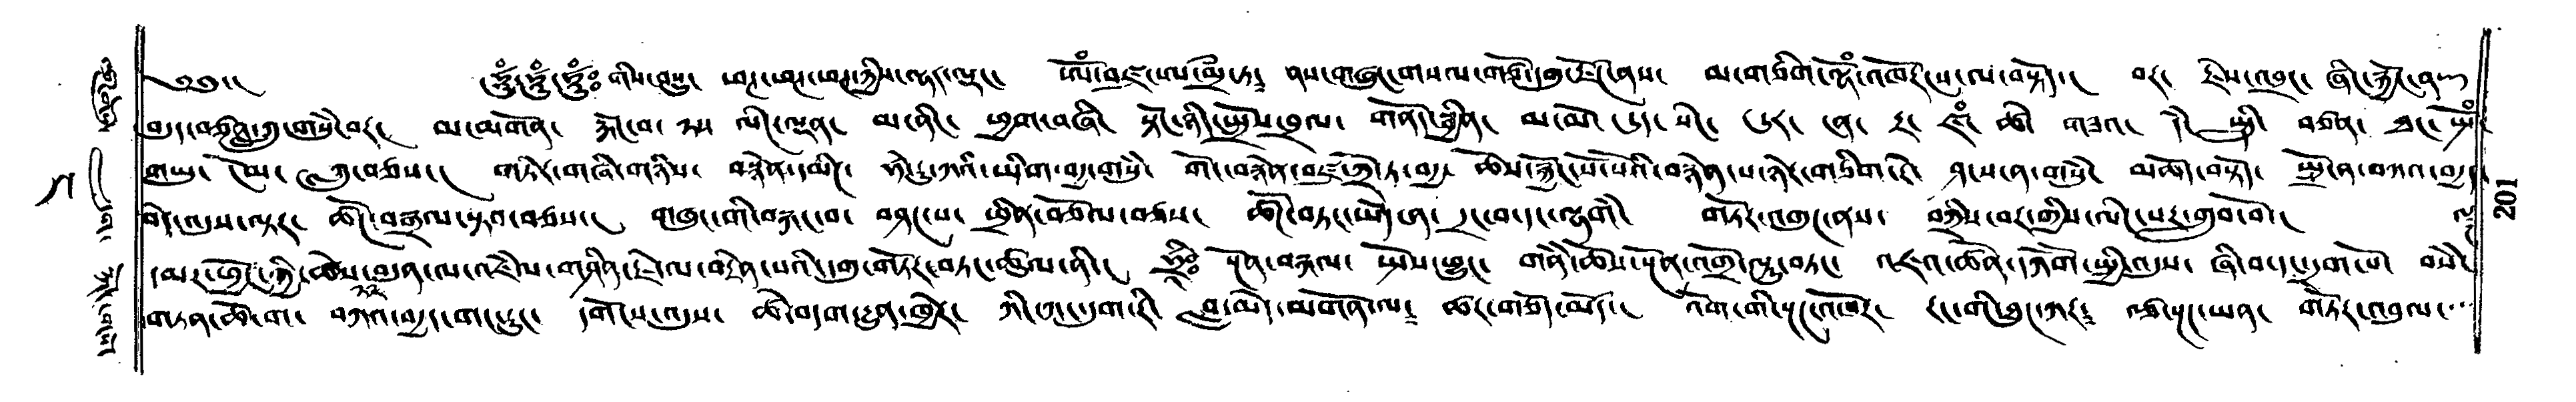ཧཱུྃ་ཧྃའུ་ཧཱུྃཿ གིས་བསྡུ། ཕཊ་ཕཊཿ ཀྱིས་ལྷར་ལྡང་། ཨོཾ་བཛྲ་ཨ་མྲྀ་ཏ༴ ནས་གཞུང་གསལ་གཙོ་དགུ་རྫོགས་ནས། མ་གཅིག་ལྷ་མོ་འཁོར་དང་བཅས་ལ་བསྟོད། བར། རྗེས་འབྲང་། ཞིང་སྐྱོང་ནས། 
བདུད་བཙན་ཀླུ་གསུམ་བར། མ་མགོན། སྐོང་བ། ཉེར་ལྔ། ལེགས་ལྡན། མ་ནིང་། ཕྱག་བཞི། སྟོང་ཉིད་སྤྲོས་བྲལ༴ གནོད་སྦྱིན། མ་མོ། དུད། སེང་། དུར། ངན། རྟ། ཛམ། ཚེ། གཟའ། དམ། སྤུ་གྲྀ། བཙན། ཐང་། སྤོམ། 
གཡུ། ངོམ། ཀླུ་བཅས། གཏེར་གཞི་གཉིས། སྙེན་དམིགས། ཧེ་རུ་ཀའི་ཡིག་བརྒྱ་གསུམ། གོང་སྙེན་བཛྲ་ཀྲོ་ཏ༴ བརྒྱ། ཆོས་སྐྱོང་སོ་སོའི་སྙེན་པ་ཉེར་གཅིག་རེ། ཤ་ས་ན༴ གསུམ། མཆོད་བསྟོད། སྤྲོ་ན་བཀའ་བརྒྱད་
བདེ་འདུས་ལྟར། ཚོགས་བསྒྲལ་བསྟབ་བཅས། གཞུང་གི་སྐོང་བ། བཤགས་པ། ཕྲིན་བཅོལ་བཅས། ཚོགས་བཏང་ཡོད་ན། དྲང་བ་དང་ལྷག་མ། གཏོར་འགུགས་ནས་བཀྲ་ཤིས་བར་གྱིས་ལེགས་པར་གྲུབ་བོ། ༈ 
དམར་ཕྱོགས་ཀྱི་ཚེས་ཉེར་བདུན་ལ་འཇམ་དཔལ་གཤིན་རྗེ་ལ་བརྟེན་པའི་དགུ་གཏོར་བཏང་ཚུལ་ནི། ཧྲཱིཿ སྔོན་བསྐལ༴ སྤོས་ཕྱུང་། གནམ་ཆོས་སྔོན་འགྲོ་ལྟ་བུ་གཏང་། འཇའ་ཚོན་དཀོན་མཆོག་སྤྱི་འདུས། ཞི་བ་དང་དྲག་པོ། བསམ་
གཏན་ཆོ་ག བཀའ་བརྒྱད་གང་རུང་། དགོངས་འདུས། ཚེ་བདག་རྒྱུན་ཁྱེར། ཀིང་ཀང་དུག་རི། བླ་མེད་མགོན་ལ༴ ཚར་གཅོད་མཛོད༔ འོག་གི་སྔགས་འཁོར། རང་གི་ཐུགས་ཀར༴ རྩ་སྔགས་ཡན། གཏོར་འབུལ་